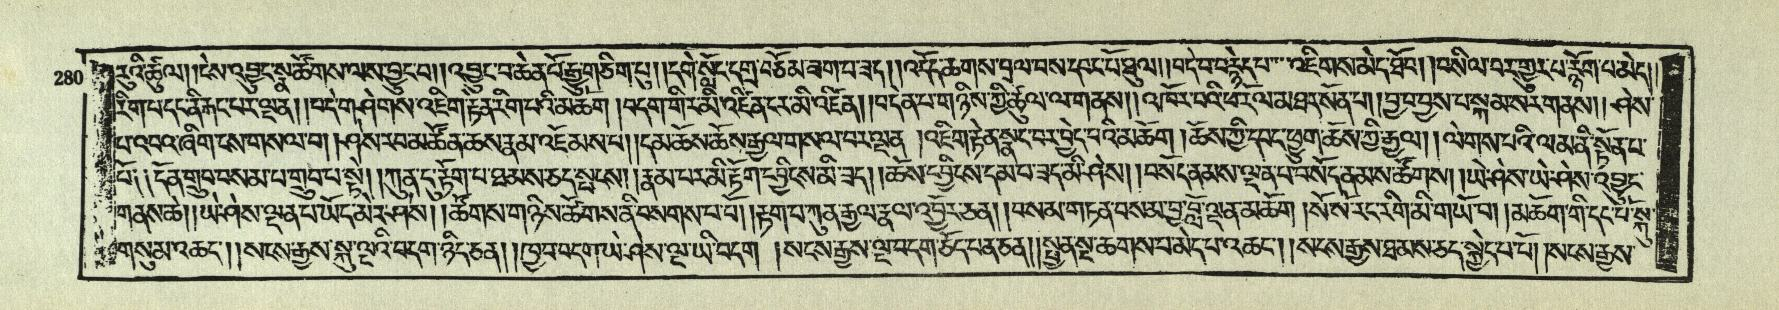རུའི་ཚུལ། །ངེས་འབྱུང་སྣ་ཚོགས་ལས་བྱུང་བ། །འབྱུང་བ་ཆེན་པོ་རྒྱུ་གཅིག་པུ། །དགེ་སློང་དགྲ་བཅོམ་ཟག་པ་ཟད། །འདོད་ཆགས་བྲལ་བས་དབང་པོ་ཐུལ། །བདེ་བ་བརྙེད་པ་འཇིགས་མེད་ཐོབ། །བསིལ་བར་གྱུར་པ་རྙོག་པ་མེད། །
རིག་པ་དང་ནི་རྐང་པར་ལྔ་ནི། །བདེ་གཤེགས་འཇིག་རྟེན་རིག་པའི་མཆོག །བདག་གིར་མི་འཛིན་ངར་མི་འཛིན། །བདེན་པ་གཉིས་ཀྱི་ཚུལ་ལ་གནས། །འཁོར་བའི་ཕ་རོལ་མཐར་སོན་པ་།བྱ་བ་བྱས་པ་སྐམ་སར་གནས། །ཤེས་
པ་འབའ་ཞིག་ངས་གསལ་བ། །ཤེས་རབ་མཚོན་ཆས་རྣམ་འཇོམས་པ། །དམ་ཆོས་ཆོས་རྒྱལ་གསལ་བར་ལྡན་།འཇིག་རྟེན་སྣང་བར་བྱེད་པའི་མཆོག །ཆོས་ཀྱི་དབང་ཕྱུག་ཆོས་ཀྱི་རྒྱལ། །ལེགས་པའི་ལམ་ནི་སྟོན་པ་
པོ༑ ༑དོན་གྲུབ་བསམ་པ་གྲུབ་པ་སྟེ། །ཀུན་དུ་རྟོག་པ་ཐམས་ཅད་སྤངས། །རྣམ་པར་མི་རྟོག་དབྱིངས་མི་ཟད། །ཆོས་དབྱིངས་དམ་པ་ཟད་མི་ཤེས། །བསོད་ནམས་ལྡན་པ་བསོད་ནམས་ཚོགས། །ཡེ་ཤེས་ཡེ་ཤེས་འབྱུང་
གནས་ཆེ། །ཡེ་ཤེས་ལྡན་པ་ཡོད་མེར་ཤེས། །ཚོགས་གཉིས་ཚོགས་ནི་བསགས་པ་པོ། །རྟག་པ་ཀུན་རྒྱལ་རྣལ་འབྱོར་ཅན། །བསམ་གཏན་བསམ་བྱ་བློ་ལྡན་མཆོག། །སོ་སོ་རང་རིག་མི་གཡོ་བ། །མཆོག་གི་དང་པོ་སྐུ་
གསུམ་འཆང་། །སངས་རྒྱས་སྐུ་ལྔའི་བདག་ཉིད་ཅན། །ཁྱབ་བདག་ཡེ་ཤེས་ལྔ་ཡི་བདག །སངས་རྒྱས་ལྔ་བདག་ཅོད་པན་ཅན། །སྤྱན་སྔ་ཆགས་པ་མེད་པ་འཆང་། །སངས་རྒྱས་ཐམས་ཅད་སྐྱེད་པ་པོ། །སངས་རྒྱས་